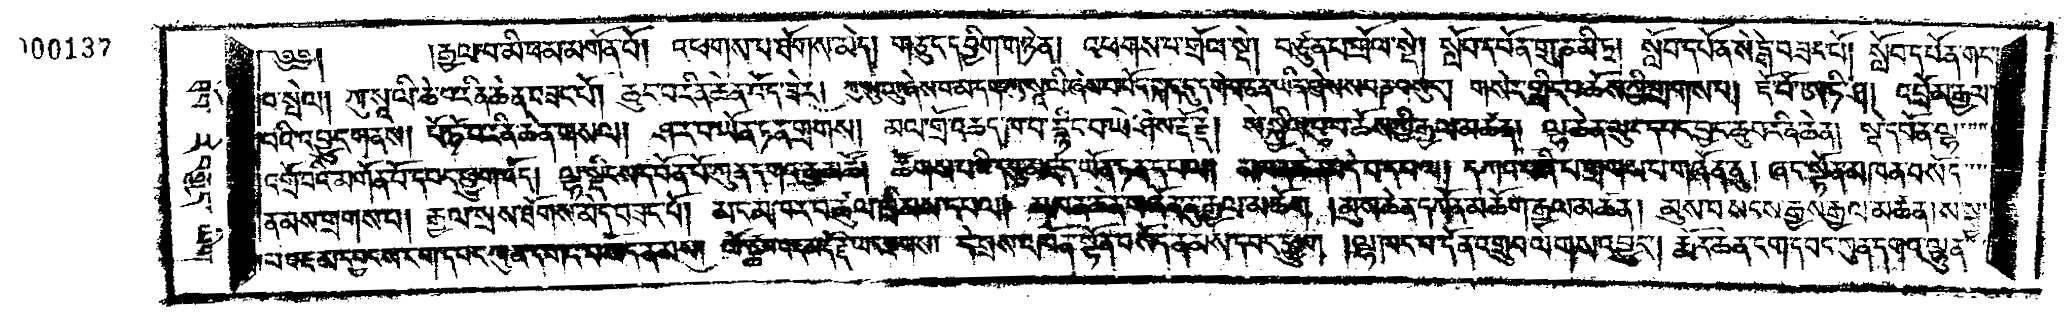༄༅། །རྒྱལ་བ་མི་ཕམ་མགོན་པོ། འཕགས་པ་ཐོགས་མེད། གཅུང་དབྱིག་གཉེན། འཕགས་པ་གྲོལ་སྡེ། བཙུན་པ་གྲོལ་སྡེ། སློབ་དཔོན་གུཎ་མི་ཏྲ། སློབ་དཔོན་སེངྒེ་བཟང་པོ། སློབ་དཔོན་གང་
བ་སྤེལ། ཀུ་སཱ་ལི་ཆེ་བ་རིན་ཆེན་བཟང་པོ། ཆུང་བ་རིན་ཆེན་འོད་ཟེར། ཀུ་སུ་ལུ་ཞེས་པ་མ་དག་ཀུ་སཱ་ལི་ཞེས་པ་བོད་སྐད་དུ་དགེ་བ་ཅན་ཡིན་ཞེས་ས་པཎ་གསུང་།  གསེར་གླིང་བ་ཆོས་ཀྱི་གྲགས་པ། ཇོ་བོ་ཨ་ཏི་ཤ། འབྲོམ་རྒྱལ་
བའི་འབྱུང་གནས། པོ་ཏོ་བ་རིན་ཆེན་གསལ། ཤར་བ་ཡོན་ཏན་གྲགས། མལ་གྲོ་འཆད་ཁ་བ་རྙིང་པ་ཡེ་ཤེས་རྡོ་རྗེ། སེ་སྐྱིལ་བུ་བ་ཆོས་ཀྱི་རྒྱལ་མཚན། ལྷ་ཆེན་ལུང་དབང་བྱང་ཆུབ་རིན་ཆེན། སྡེ་དཔོན་ལྷ་
འགྲོ་བའི་མགོན་པོ་དབང་ཕྱུག་འོད། ལྷ་སྡིངས་དཔོན་པོ་ཀུན་དགའ་རྒྱ་མཚོ། ཚོགས་པའི་དབུ་མཛད་ཡོན་ཏན་དཔལ། མཁན་ཆེན་བདེ་བ་དཔལ། དཀའ་བཞི་པ་གྲགས་པ་གཞོན་ནུ། ཞང་སྟོན་མཁན་བསོད་
ནམས་གྲགས་པ། རྒྱལ་སྲས་ཐོགས་མེད་བཟང་པོ། མང་མཁར་བ་ཚུལ་ཁྲིམས་དཔལ། མཁན་ཆེན་གཞོན་ནུ་རྒྱལ་མཆོག །མུས་ཆེན་དཀོན་མཆོག་རྒྱལ་མཚན། མུས་པ་སངས་རྒྱས་རྒྱལ་མཚན། ས་སྐྱ་
པ་འཇམ་དབྱངས་ངག་དབང་ཀུན་དགའ་བསོད་ནམས། ལོ་ཙྪ་བ་འཇམ་རྡོ་རྗེ་ཡང་གྲགས།  དེ་སྲས་འཁོན་སྟོན་བསོད་ནམས་དབང་ཕྱུག །ལྷ་ཁང་བ་དོན་འགྲུབ་ལེགས་འབྱུང་། རྨོར་ཆེན་ངག་དབང་ཀུན་དགའ་ལྷུན་